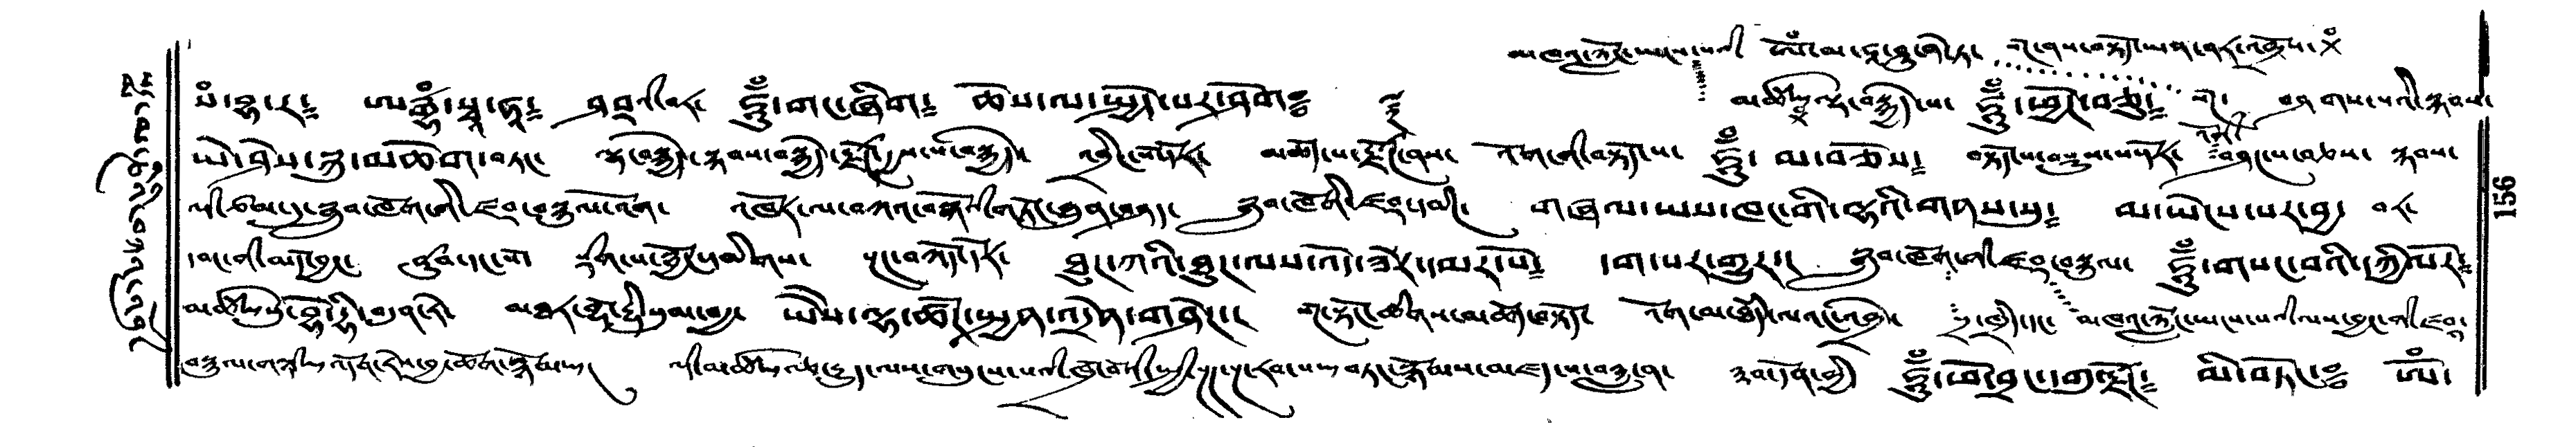སཾ་བྷ་ར༴ ཨརྒྷཾ་སྭ་ཧཱ༴ ཤབྡའི་བར། ཧཱུྃ་གང་ཞིག༴ ཆོས་ལ་སྤྱོད་པར་ཤོག མཚན་མས་ལྷ་སྐྱེད་པ། ཨོཾ་མ་ཧཱ་ཤུ་ནེ་ཏ༴ ཧཱུྃ༔ ཕྱོགས་བཅུ༴ སོགས། བསྟོད་པ། བཤགས་པའི་སྐབས། 
ཡེ་ཤེས་སྐུ་མཆོག༴ བཏང་། ལྷ་བསྐྱེད་སྐབས་བསྐྱེད་རྫོགས་རྒྱས་པ་སྐྱེད། འབྲིང་པོ་དོར། མཆོད་པ་རྫོགས་ནས། འོག་གི་བསྟོད་པ། ཧཱུྃ༔ མ་བཅོས༴ བསྟོད་པ་བསྡུས་པ་དོར། འོག་གི་བཤགས་པ་བཅས། སྐབས་
འདི་ཙམ་དུ་སྒྲུབ་ཁོག་གི་ཛབ་བསྐུལ་འོག འཁོར་ལ་བཀའ་བསྒོའི་གཏོང་ཐུན་བཤད། སྒྲུབ་ཁོག་གི་ཛབ་དམིགས། གཞལ་ཡས་ཁང་གི་ལྷའི་གནས་སུ༴ མ་ཡེངས་པར་བྱ། བར་
དབང་གི་མདོ་བྱང་། ནུབ་དང་པོ། སྡིག་པ་སྦྱོང་དམིགས། སྔགས་བཀོད་དོར། ཐུགས་ཀའི་ས་བོན་ལས་འོད་ཟེར་དམར་པོ༴ དག་པར་གྱུར། སྒྲུབ་ཁོག་གི་ཛབ་བསྐུལ། ཧཱུྃ༔གསང་བའི་དཀྱིལ་འཁོར༴ 
མཚམས་སུ་བྷོ་དྷི་བདུན་རེ།མཐར་བྷོ་དྷི་སུམ་བརྒྱ། ཡེ་ཤེས་ལྷ་ཚོགས་སྤྱན་འདྲེན་གཤེགས༴ སོགས་སྟོང་ཚིག་མཆོད་བསྟོད། འོག་མ་ཐམས་ཅད་ལའང་འགྲེ། པྲ་ཁྲིད་དང་། མཁའ་ཀློང་ཡངས་པའི་ལས་བྱང་གི་ཛབ་གཅིག་
བསྐུལ་གཉིས་འདོན་རེས་བྱ་ཆོག་སྙོམས། འདི་མཚམས་རྩ་རྒྱུད་ལས་གསུངས་པའི་ཁྲོ་བོའི་སྤྱི་སྔགས་སྔ་རབས་པས་བཏང་སྙོམས་མཛད་པ་བཟླ་ན། ཟབ་དོན་གྱི། ཧཱུྃ༔ ཕོ་བྲང་དགུ་རྫོགས༴ མི་བཏོང་ངོ༔ ཨོཾ